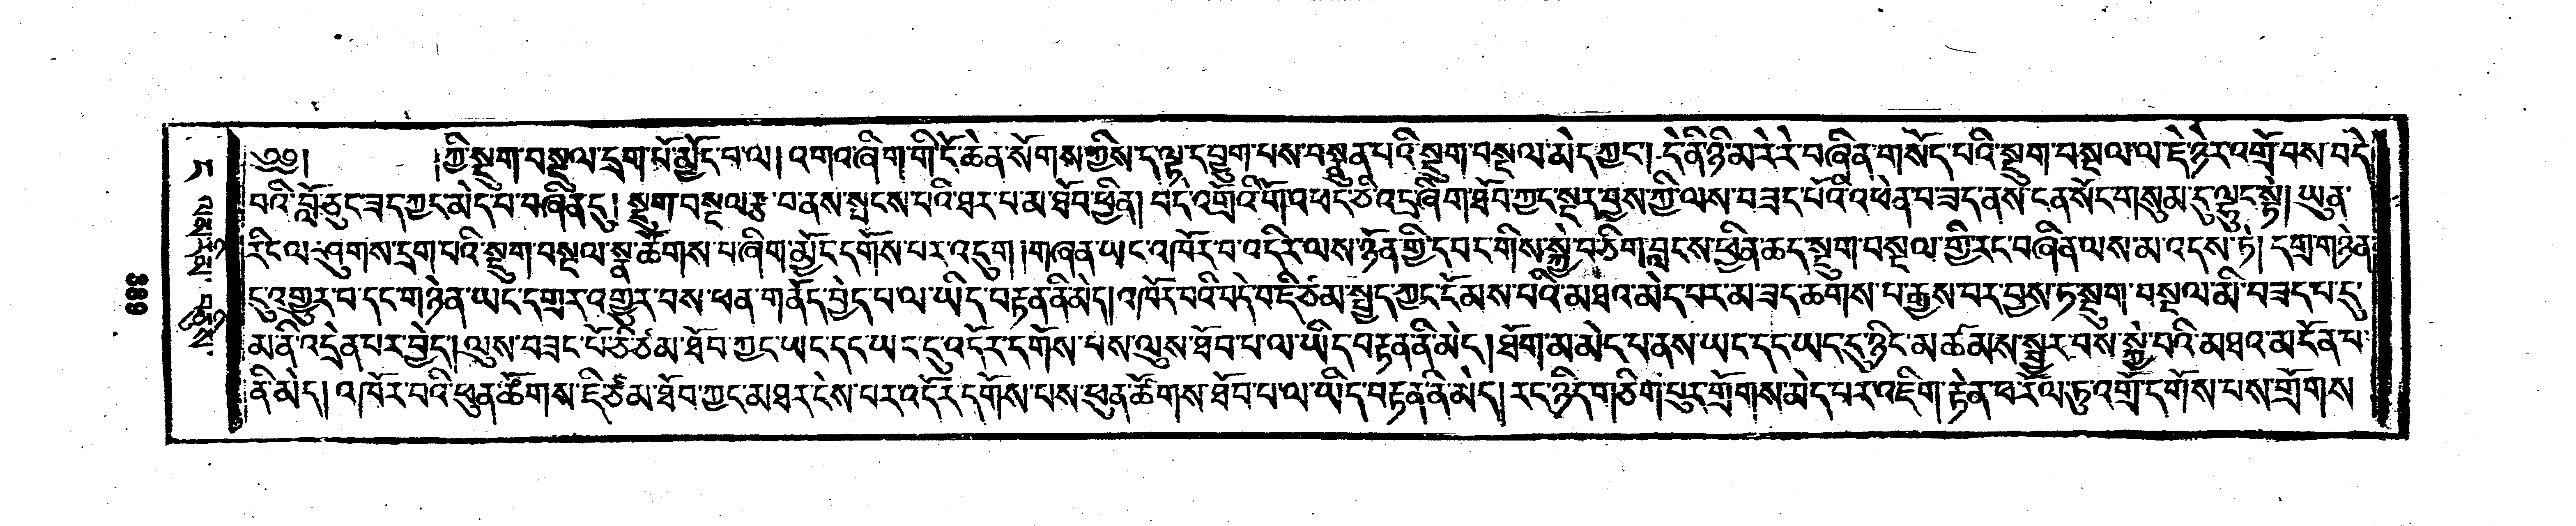༄༅། །ཀྱི་སྡུག་བསྔལ་དྲག་པོ་མྱོང་བ་ལ། འགའ་ཞིག་གི་ངོ་ཆེན་སོགས་ཀྱིས་ད་ལྟ་དབྱུག་པས་བསྣུན་པའི་སྡུག་བསྔལ་མེད་ཀྱང་། དེ་ནི་ཉི་མ་རེ་རེ་བཞིན་གསོད་པའི་སྡུག་བསྔལ་ལ་ཇེ་ཉེར་འགྲོ་བས་བདེ་
བའི་བློ་ཅུང་ཟད་ཀྱང་མེད་པ་བཞིན་དུ། སྡུག་བསྔལ་རྩ་བ་ནས་སྤངས་པའི་ཐར་པ་མ་ཐོབ་ཕྱིན། བདེ་འགྲོའི་གོ་འཕང་ཅི་འདྲ་ཞིག་ཐོབ་ཀྱང་སྔར་བྱས་ཀྱི་ལས་བཟང་པོའི་འཕེན་པ་ཟད་ནས་ངན་སོང་གསུམ་དུ་ལྷུང་སྟེ། ཡུན་
རིང་ལ་ཤུགས་དྲག་པའི་སྡུག་བསྔལ་སྣ་ཚོགས་པ་ཞིག་མྱོང་དགོས་པར་འདུག །གཞན་ཡང་འཁོར་བ་འདིར་ལས་ཉོན་གྱི་དབང་གིས་སྐྱེ་བ་ཅིག་བླངས་ཕྱིན་ཆད་སྡུག་བསྔལ་གྱི་རང་བཞིན་ལས་མ་འདས་ཏེ། དགྲ་གཉེན་
དུ་འགྱུར་བ་དང་གཉེན་ཡང་དགྲར་འགྱུར་བས་ཕན་གནོད་བྱེད་པ་ལ་ཡིད་བརྟན་ནི་མེད། འཁོར་བའི་བདེ་བ་ཇི་ཙམ་སྤྱད་ཀྱང་དོམས་པའི་མཐའ་མེད་པར་མ་ཟད་ཆགས་པ་རྒྱས་པར་བྱས་ཏེ་སྡུག་བསྔལ་མི་བཟད་པ་དུ་
མ་ནི་འདྲེན་པར་བྱེད། ལུས་བཟང་པོ་ཅི་ཙམ་ཐོབ་ཀྱང་ཡང་དང་ཡང་དུ་འདོར་དགོས་པས་ལུས་ཐོབ་པ་ལ་ཡིད་བརྟན་ནི་མེད། ཐོག་མ་མེད་པ་ནས་ཡང་དང་ཡང་དུ་ཉིང་མཚམས་སྦྱར་པས་སྐྱེ་བའི་མཐའ་མངོན་པ་
ནི་མེད། འཁོར་བའི་ཕུན་ཚོགས་ཇི་ཙམ་ཐོབ་ཀྱང་མཐར་ངེས་པར་འདོར་དགོས་པས་ཕུན་ཚོགས་ཐོབ་པ་ལ་ཡིད་བརྟན་ནི་མེད། རང་ཉིད་གཅིག་པུར་གྲོགས་མེད་པར་འཇིག་རྟེན་ཕ་རོལ་ཏུ་འགྲོ་དགོས་པས་གྲོགས་